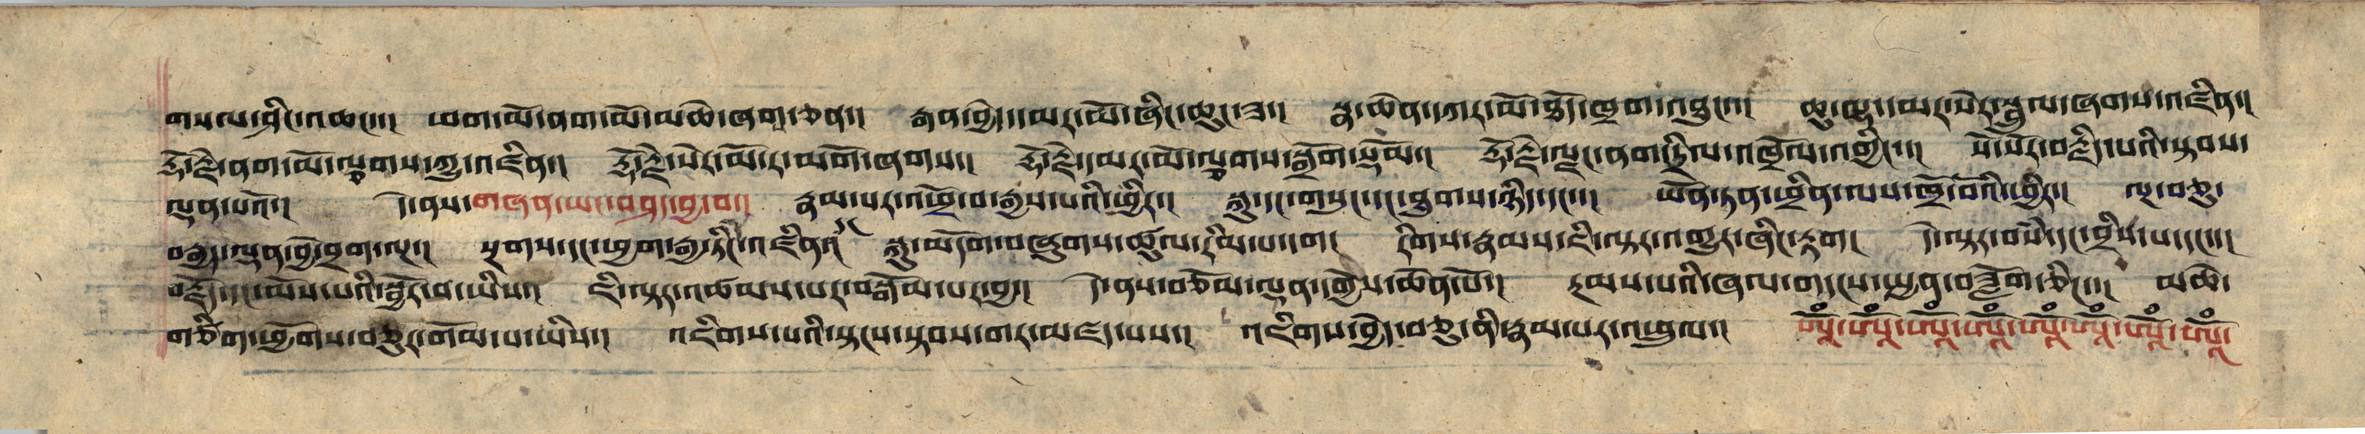གསལ་ཤིང་འཆང་་། ཕག་མོ་ནག་མོ་མཆེ་ཞགས་ཅན་། རྒན་བྱེད་དམར་མོ་ཞིང་ཆུང་ཟ་། སྣ་ཆེན་དཀར་མོ་ཐོད་ཁྲག་འཐུང་་། ཆུ་ལྷ་དམར་སེར་སྦྲུལ་ཞགས་འཛིན་།
རྡོ་རྗེ་ནག་མོ་ལྕགས་ཀྱུ་འཛིན་། རྡོ་རྗེ་སེར་མོ་ར་མགོ་ཞགས་། རྡོ་རྗེ་དམར་མོ་ལྕགས་སྒྲོག་སྡོམ་། རྡོ་རྗེ་ལྗང་ནག་དྲིལ་འཁྲོལ་འགྱིང་་། སོ་སོར་བརྗིད་པའི་སྟབས་
ལྡན་པའོ་། དེ་ནས་གཞན་ཡང་བཤད་བྱ་བ་། རྣམ་པར་འཕྲོ་བ་རྒྱས་པའི་ཕྱིར་། སྐུ་དང་གསུང་དང་ཐུགས་ཉིད་དང་་། ཡོན་ཏན་ཕྲིན་ལས་ཁྲོ་བོའི་ཕྱིར་། ལྔ་བཅུ་
བརྒྱད་ལྡན་བྱེ་བྲག་ལྔ་། སྔགས་དང་ཕྱག་རྒྱ་ཏིངེ་འཛིན་། སྐུ་མདོག་བཞུགས་ཚུལ་རིམ་པ་དག། རིགས་རྣམས་ཇི་ལྟར་འགྱུར་ཞིང་རྟག། དེ་ལྟར་བསཾ་དང་བྲིས་པ་དང་་།
བརྗོད་དང་མོས་པའི་སྦྱོར་བ་ཡིས་། ཇི་ལྟར་འཚམས་པར་བསྒོམ་པར་བྱ་། དེ་ནས་བཅོམ་ལྡན་དགྱེས་ཆེན་པོ་། རྔམས་པའི་ཞལ་གདངས་སྤྱན་བཟློག་ཅིང་་། མཆེ་
གཙིག་ཕྱོགས་བཅུར་གོམ་པ་ཡིས་། འཇིགས་པའི་སྟངས་སྟབས་གར་མཛད་པས་། འཇིགས་བྱེད་བཅུ་ནི་རྣམ་པར་འཕྲུལ་། ཨཱོཾ་ཨཱོཾ་ཨཱོཾ་ཨཱོཾ་ཨཱོཾ་ཨཱོཾ་ཨཱོཾ་ཨཱོཾ་